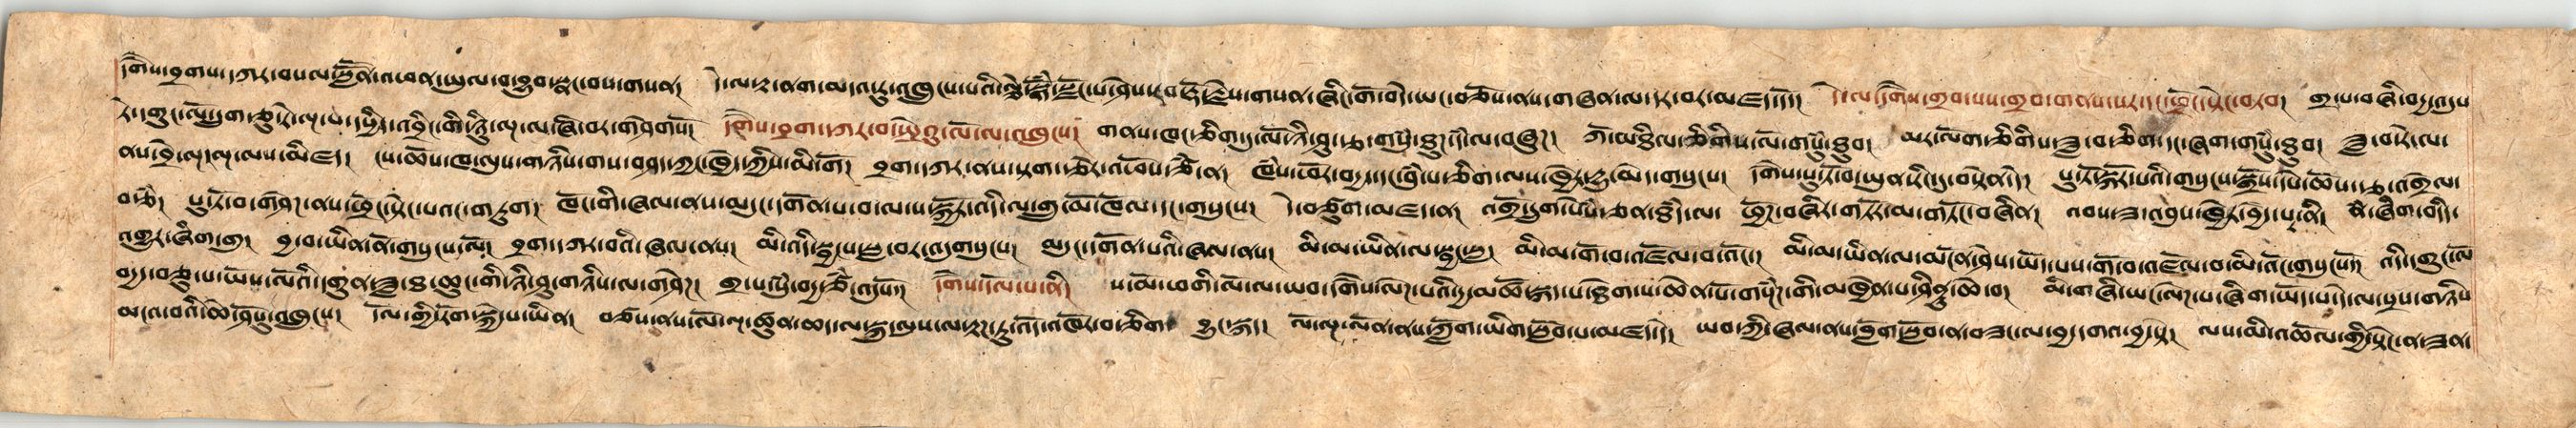དགཻས་བྲགས་དཀར་བསལ་སླཽན་འཕན་ཡུལ་བ་བྱུབ་སྣང་བས་གསན། དེ་ལ་རྟ་ནག་མདའ་རུ་འཁྲུངས་པའི་ལྕེ་སྒོཾ་སྫོང་པ་ཤེས་རབ་རྡོ་རྗེས་གསན་ཞིང་གོ་བདེ་ཡང་བཅོས་ནས་གཞན་ལ་དར་བར་མཛད་དོ། དེ་ལ་དགཻས་གྲབ་པས་གྲབ་གནས་སར་དང་ཕྲོང་སྟེང་བཏབ། གྲ་པ་བཞི་བདྱ་་འདུས་
ཏེ་དགུང་ལོ་དྲུག་ཅུ་རེ་ལྔ་པ་དཔྱིད་འབྲིང་གི་ཉིུ་ལྔ་ལ་ཞི་བར་གཤེགསོ། དགཻས་བྲག་དཀར་བ་སྤྲེའུ་ལོ་ལ་འཁྲུངས། གནས་ཁང་ཅིག་དུ་ལོ་ཉི་ཤུ་རྩ་གསུཾ་ཐུཌ་དཾ་ལ་བཞུཌ། ཀོ་མཐིལ་ཅིགིས་ལོ་གསུཾ་ཐུབ། མར་ལོག་ཅིགིས་ཟླ་བ་ཅིག་དང་ཞག་གསུཾ་ཐུབ། ཟླ་བ་རེ་ལ་
ནས་བྲེ་ལྔ་ལྔ་ལས་མིཛད། ངས་ཆོས་ཁ་ལུས་གཉིས་གས་བཤད་ཀྱང་ཁྱེད་ཀྱིས་མི་གོ། བྲག་དཀར་ནས་སྟག་རྩེར་འཕོས་ཙཾ་ན། ཁཾས་ཕོར་བདྱད་དང་བུཾ་པ་ཅིག་ལས་ཁྱེར་དྱུ་མེད་གསུངས། དགཻས་སུ་ཏོ་བ་ཡུན་རིང་དུ་བསྟེན་དེ། པུ་ཏོ་སྐོར་པའི་གསུངས་སྒྲོས་དཔེ་ཆོས་རྩ་འགྲེལ་
བརྩཾ། པུ་ཏོ་བ་གཤེཌ་ནས་ཕྲེང་སྟེང་པའང་གཏུག། ཁོང་གི་ཞལ་ནས་མདུང་དགོན་པ་བ་ལ་ས་སྐྱོར་འདི་ལ་གྲུ་མོ་ཁོལ་དང་གསུངས། དེ་བཙུག་མཛད་ན། འགྲོ་དྲུག་སེསཾ་ཅན་ཐཾད་ལ། ཕྱོཌ་བཞིར་གཏོར་མ་གཏོང་བཞིན། འབས་ཟ་འབུས་ཁྱེར་བྱེད་པར་ནི། ནཾ་ཞིག་བདིད་
འགྱུར་ཞིག་དགུ། བྱ་བ་ཡིན་ནོ་གསུངས་ལོ། བྲག་དཀར་བའི་ཞལ་ནས། མི་འདི་སྦྱངས་སླ་བར་གདུགསུངས། མདུང་དགོན་པའི་ཞལ་ནས། མི་མ་ཡིན་ལ་སྦྱང་སླ། མི་མ་གོ་བ་འཛོལ་བ་འོང་། མི་མ་ཡིན་ལ་མངོན་ཤེས་ཡོད་པས་གོ་བ་འཛོལ་བ་མི་འོང་གསུངསོ་། འདི་དགུང་ལོ་
བདྱད་བཅུ་པ་ཡོས་ལོའི་དགུན་ཟླ་ཐ་ཆུང་གི་ཉི་ཤུ་གཉིས་ལ་གཤེཌ། གྲ་པ་སུཾ་བདྱ་ཙཾ་འདུསོ། དགཻས་དོལ་པ་ནི། ས་མོ་ཕགི་ལོ་ལ་ཡབ་དགཻས་ལེཌ་པའི་དྱ་མཚོ་སྐད་པ་ཐེག་པ་ཆེན་པོ་གསྔཾཌ་གི་མཁྱེན་པ་ཤིནྟུ་ཆེ་བ། མི་གཞི་ཡང་ལེཌ་པ་ཞིག་ཡོད་པ་དེ་ལ་སྲས་གཉིས
མངའ་བའི་ཆེ་ཤོསུ་འཁྲུངས། དོལ་གྱི་རོག་སྐྱེ་པ་ཡིན། བཙས་ནས་ལོ་ལྔ་ཕན་ཚུན་ཆད་ལ་སྐུ་ལུས་ལ་རྟཌ་ཏུ་འོད་འཁོར་བ་ཅིག་ བྱུང་སྐད། ལོ་ལྔ་ལོན་ནས་ཀློག་ཡིག་སློབ་པར་མཛད་དེ། ཡབ་ཀྱི་ཞལ་ནས་ཀློག་སློབ་ན་བཟང་ལ་བྱ་དགའ་བྱ་སྟེ། ལས་མི་འཆོལ་གྱི་སྟེང་ན་ཟན་